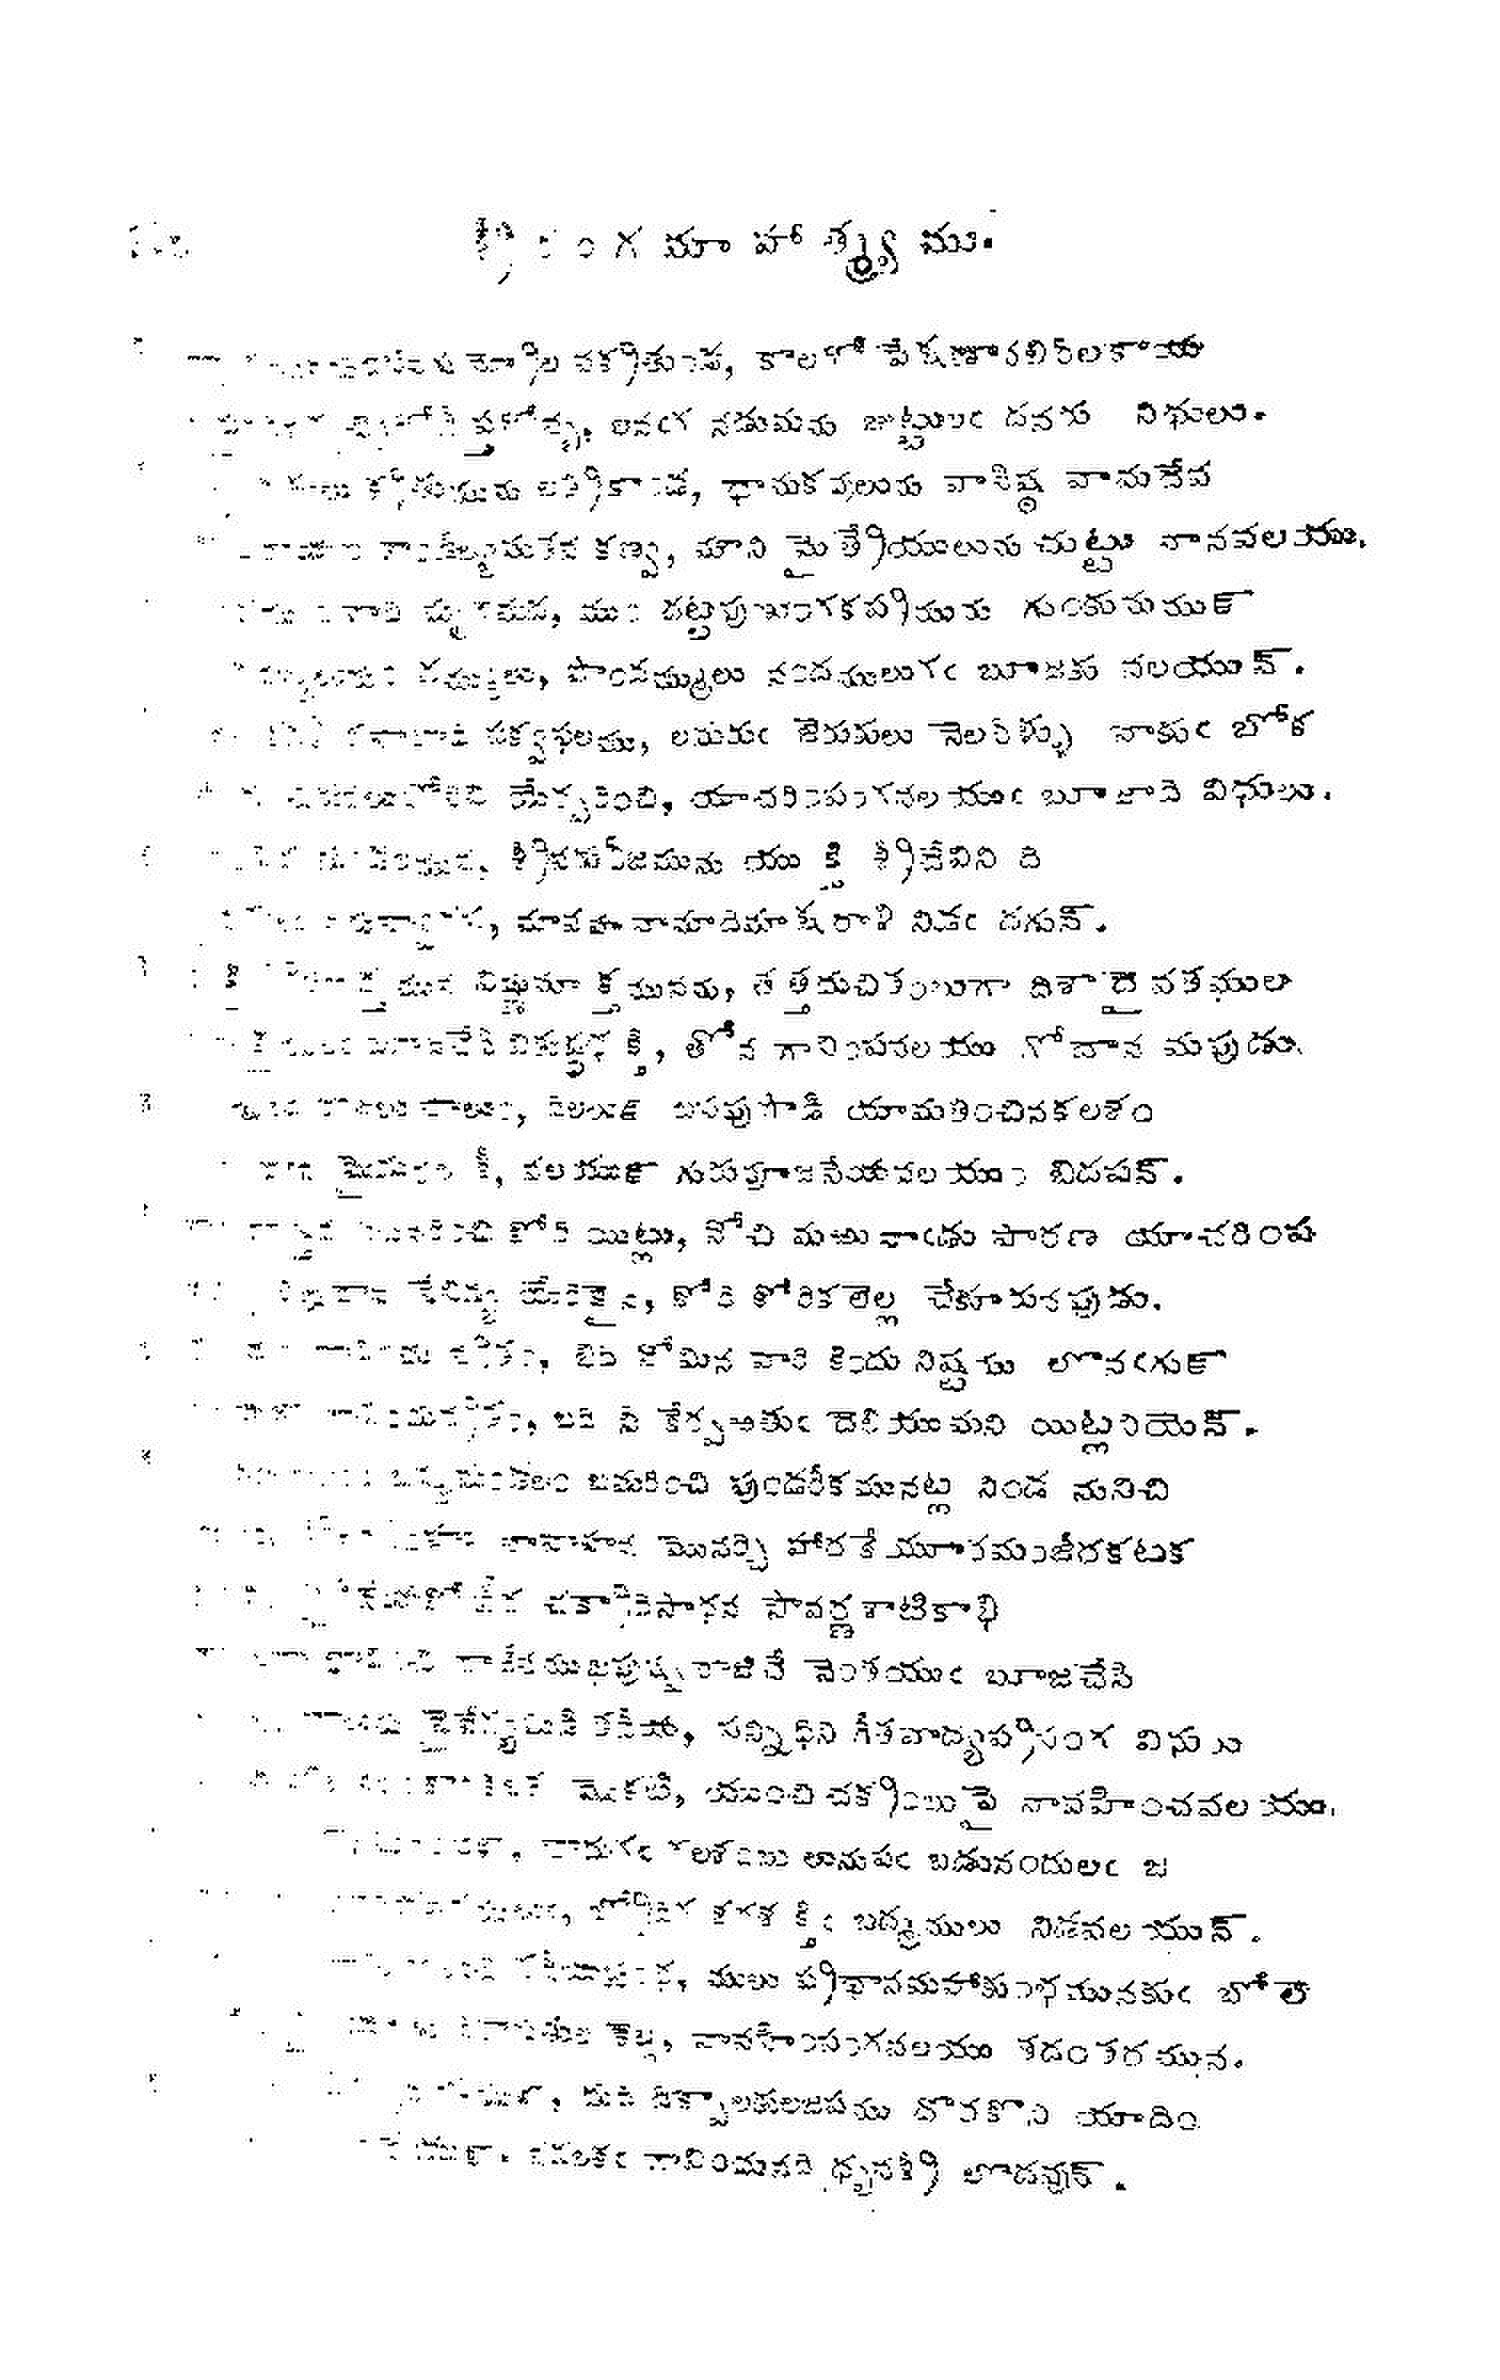గీ. ద్వారమున నుండనగు మ్రోల వక్రతుండ, కాలరేపేక్షణావలి నీలకాయ
 దీపవదనభృచ్ఛిరోదీప్తకోవృ, లనఁల నడుమను జుట్టులఁ దనరు నిధులు.
గీ. వ్యాసదక్షులు క్రతుమును లత్రికాండ, ధామకవులును వాశిష్ఠ వామదేవ
 జతపరాయణ శాండిల్య కణ్వ, మౌని మైత్రేయులును చుట్టు నానవలయు.
క. గంధము జవాది మృగమద, ముం దట్టపుణుందకప్రమును గుంకుముమున్
 కుందమ్ములునుం దమ్ములు, పొందమ్ములు నందములుగఁ బూజకు వలయున్.
గీ. పనస కదళీ రసాలాది పక్వఫలము, లమరుఁ జెరుకులు నెలనీళ్ళు నాకుఁ బోక
 రెండుబిరువలు బోనిచి యేర్పరించి, యాచరింపంగవలయుఁ బూజాదివిధులు.
క. ఏనంవిధమండలమున, శ్రీవరుబీజమును యుక్తి శ్రీదేవిని ది
 గ్దేవతులు ననుస్వారస, మావహనామాదిమాక్షరాళి నిడఁ దగున్.
గీ. భక్తి శ్రీసూక్తమున విష్ణుసూక్తమునను, తత్తదుచితంబుగా దిశాదైవతముల
 సూక్తములఁ బూజతేలి విశుద్ధభక్తి, తోన గావింపవలయు గోదాన మపుడు.
క. జలములు రాజల పాలుం, దిలలున్ బసపుపొడి యామతించినకలశం
 బులదాన మైదువల కీ, వలయు గురుపూజ సేయవలమున్ బిదపన్.
గీ. శారదాస్తవ మొనరించి గోరి యిట్లు, నోచి మఱునాఁడు పారణ యాచరింప
 వచ్చు తనుదానె విద్యయు యేరికైన, కోరి కోరికలెల్ల చేకూరు నపుడు.
క. విదియన్ గావించు వ్రతం, బిది నోమిన వారి కిందు నిష్టము లొసఁగున్
 తదియన్ గావించు వ్రతం, బిది నీ కేర్పఱతుఁ దెలియుమని యిట్లనియెన్.
సీ. తండులంబులఁ బద్మమండలం బమరించి పుండరీకమునట్ల నిండ నునిచి
 యందు శ్రీగిరినరసింహు నావాహన మొనర్చి హారకేయూరమంజీరకటక
 కుండలగ్రైవేయకోటీరచక్రాదిసాధన సౌవర్ణశాటికాభి
 రాముగా భావించి రాజీవముఖపుష్పరాజిచే నెంతయుఁ బూజ చేసి
 గుడము పాలును నైవేద్య మిడి తదీయ, సన్నిధిని గీతవాద్యప్రసంగవిధుల
 వెలబోల నలంకారకలశ మొకటి, యుంచి చక్రంబుపై నావహించవలయు.
క. ఆదిక్కు లెనిమిదింటన్, బాదుగఁ గలశంబు లునుపఁ బడునందులఁ జ
 క్రాదిమపంచాయుధములుఁ, బ్రోదిగ శరశక్తిఁ బద్మములు నిడవలయున్.
గీ. దిక్పతుల నాత్మదలచి తదీయకుంభ, ములు ప్రధానమహాకుంభమునకుఁ బోలె
 భక్తి గైసేయనగు దిశాధిపతులకెల్ల, నావహింపంగవలయు తదంతరమున.
క. మొదలు సందర్శనజపమున్, దుది దిక్పాలకులజపము దొరకొని యాదిం
 పదివెలుంగ దదీయున్, వదలకఁ గావించునది ధృవశ్రీ లొదవున్.